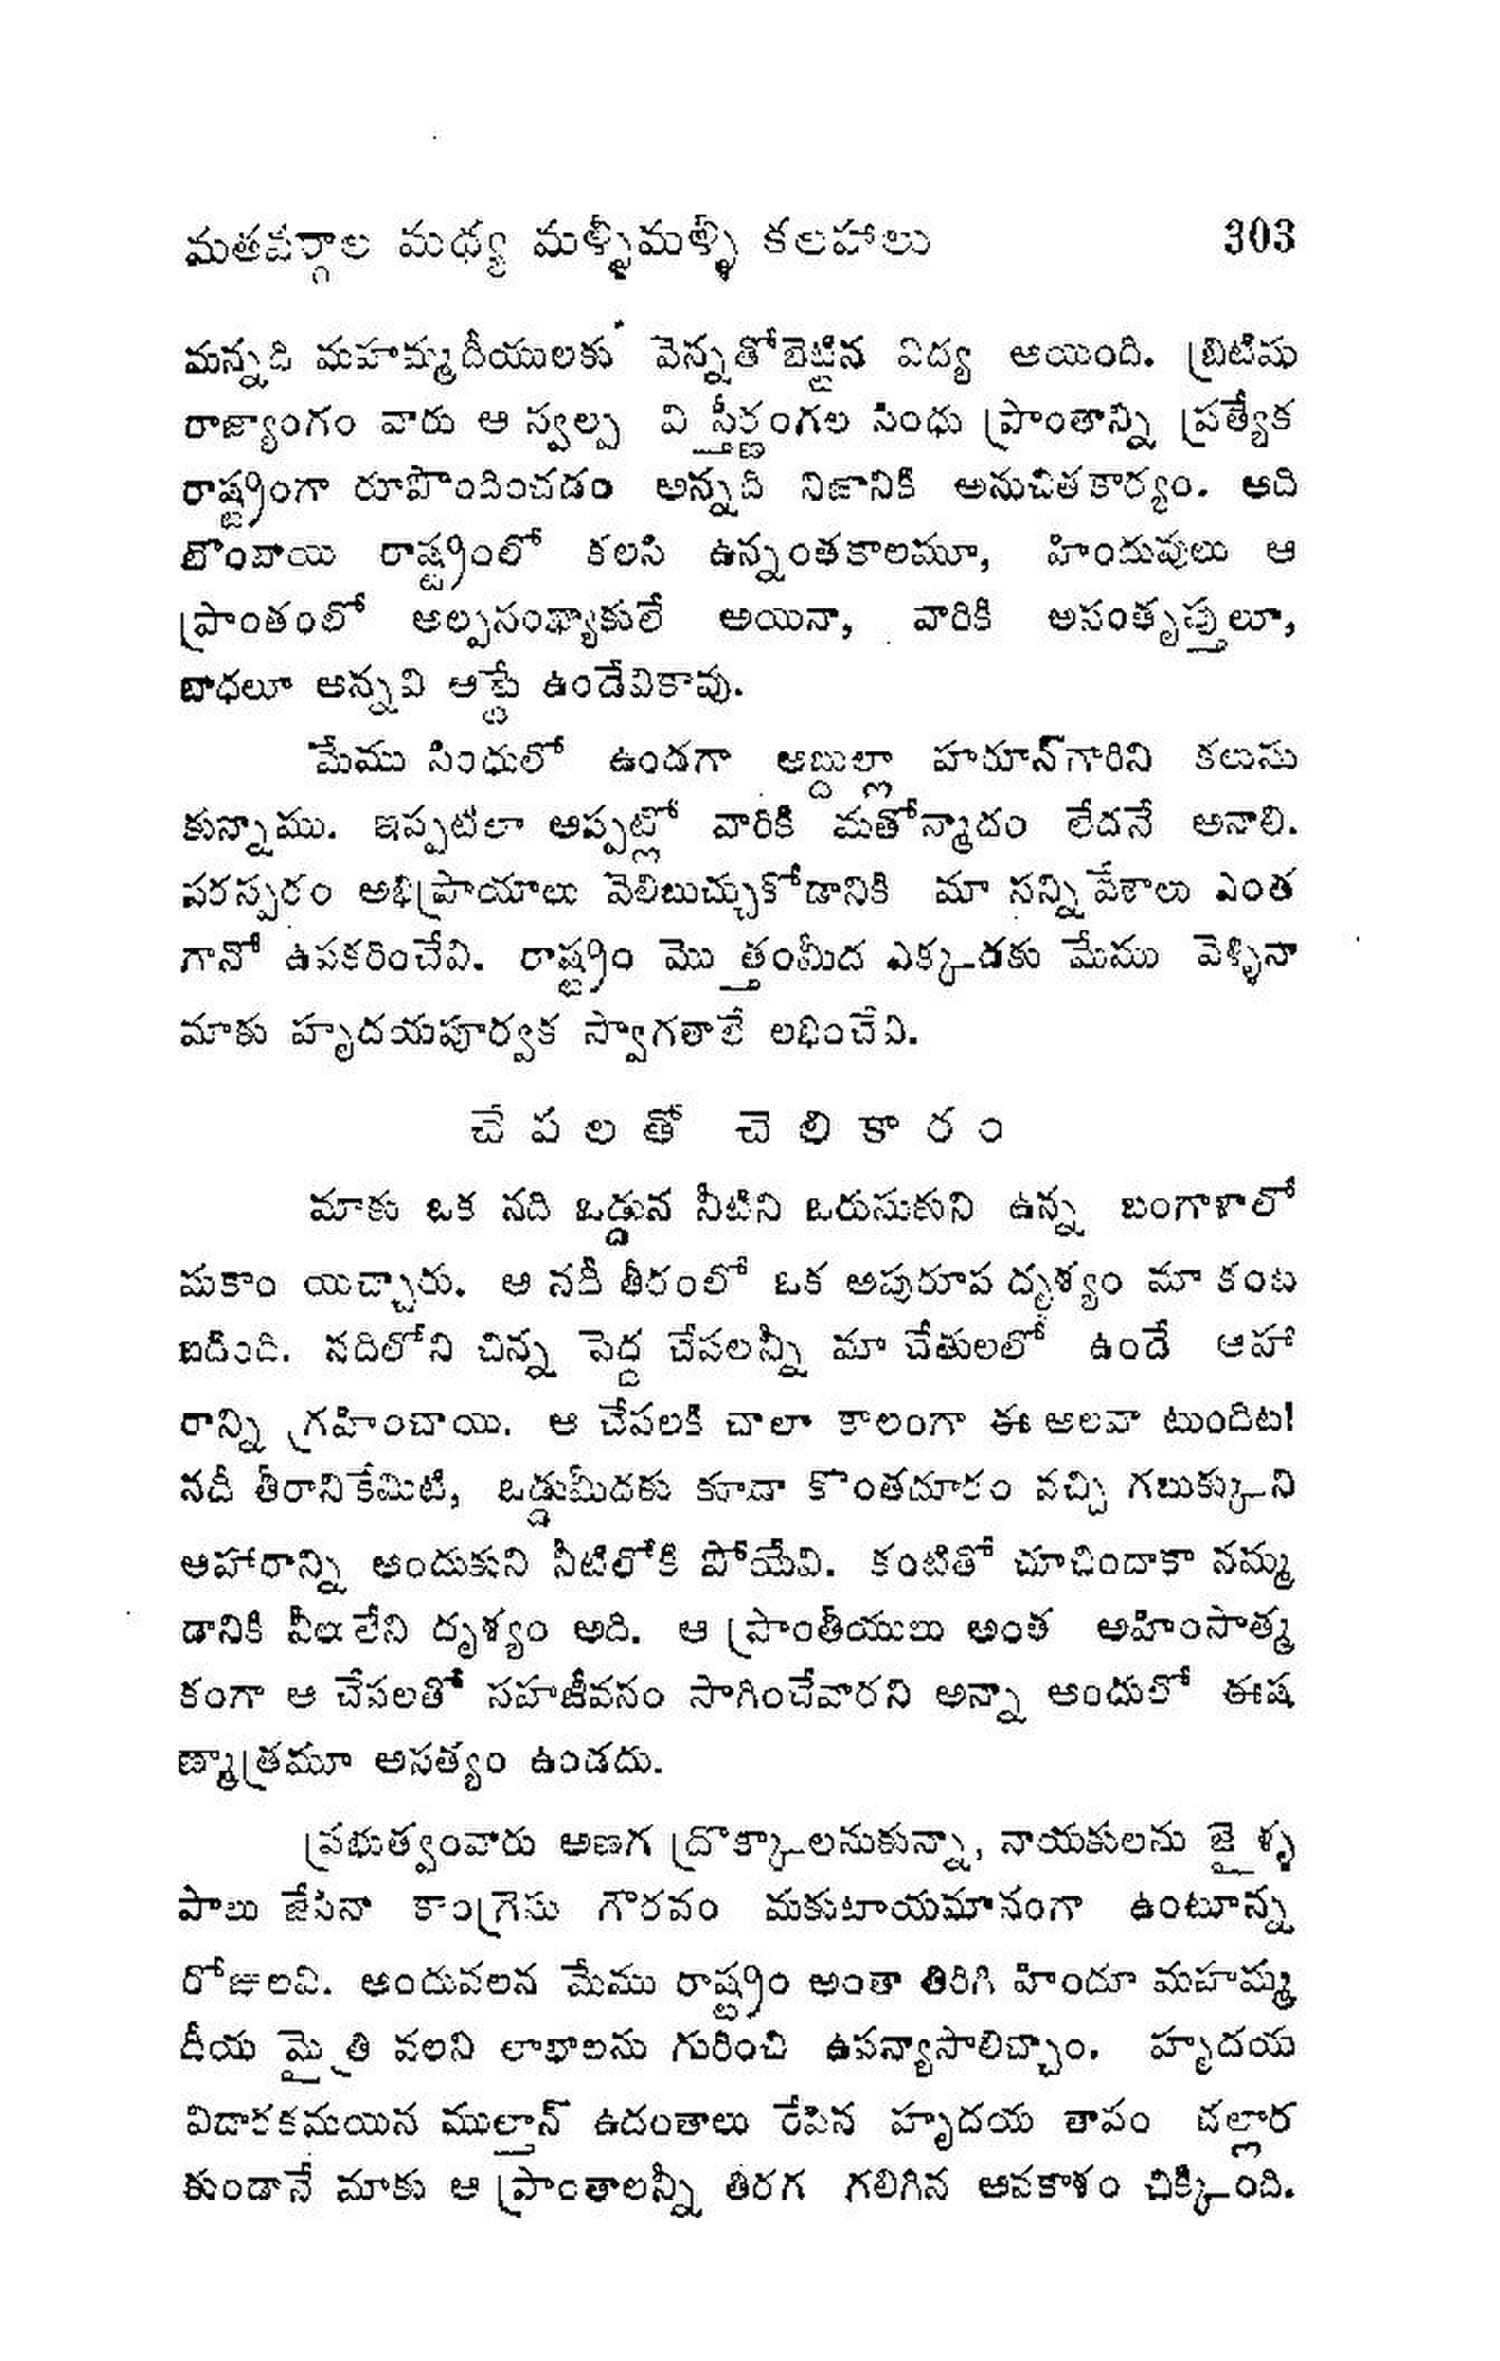మన్నది మహమ్మదీయులకు వెన్నతోబెట్టిన విద్య అయింది. బ్రిటిషు రాజ్యాంగం వారు ఆ స్వల్ప విస్తీర్ణంగల సింధు ప్రాంతాన్ని ప్రత్యేక రాష్ట్రంగా రూపొందించడం అన్నది నిజానికి అనుచితకార్యం. అది బొంబాయి రాష్ట్రంలో కలసి ఉన్నంతకాలమూ, హిందువులు ఆ ప్రాంతంలో అల్పసంఖ్యాకులే అయినా, వారికి అసంతృప్తులూ, బాధలూ అన్నవి అట్టే ఉండేవికావు.

మేము సింధులో ఉండగా అబ్దుల్లా హరూన్‌గారిని కలుసుకున్నాము. ఇప్పటిలా అప్పట్లో వారికి మతోన్మాదం లేదనే అనాలి. పరస్పరం అభిప్రాయాలు వెలిబుచ్చుకోడానికి మా సన్నివేశాలు ఎంతగానో ఉపకరించేవి. రాష్ట్రం మొత్తంమీద ఎక్కడకు మేము వెళ్ళినా మాకు హృదయపూర్వక స్వాగతాలే లభించేవి.

మాకు ఒక నది ఒడ్డున నీటిని ఒరుసుకుని ఉన్న బంగాళాలో మకాం యిచ్చారు. ఆ నదీ తీరంలో ఒక అపురూప దృశ్యం మా కంట బడింది. నదిలోని చిన్న పెద్ద చేపలన్నీ మా చేతులలో ఉండే ఆహారాన్ని గ్రహించాయి. ఆ చేపలకి చాలా కాలంగా ఈ అలవా టుందిట!నదీ తీరానికేమిటి, ఒడ్డుమీదకు కూడా కొంతదూరం వచ్చి గబుక్కుని ఆహారాన్ని అందుకుని నీటిలోకి పోయేవి. కంటితో చూచిందాకా నమ్మడానికి వీలులేని దృశ్యం అది. ఆ ప్రాంతీయులు అంత అహింసాత్మకంగా ఆ చేపలతో సహజీవనం సాగించేవారని అన్నా అందులో ఈషణ్మాత్రమూ అసత్యం ఉండదు.

ప్రభుత్వంవారు అణగ ద్రొక్కాలనుకున్నా, నాయకులను జైళ్ళపాలు జేసినా కాంగ్రెసు గౌరవం మకుటాయమానంగా ఉంటూన్న రోజులవి. అందువలన మేము రాష్ట్రం అంతా తిరిగి హిందూ మహమ్మదీయ మైత్రి వలని లాభాలను గురించి ఉపన్యాసలిచ్చాం. హృదయ విదారకమయిన ముల్తాన్ ఉదంతాలు రేపిన హృదయ తాపం చల్లారకుండానే మాకు అ ప్రాంతాలన్ని తిరగ గలిగిన అవకాశం చిక్కింది.